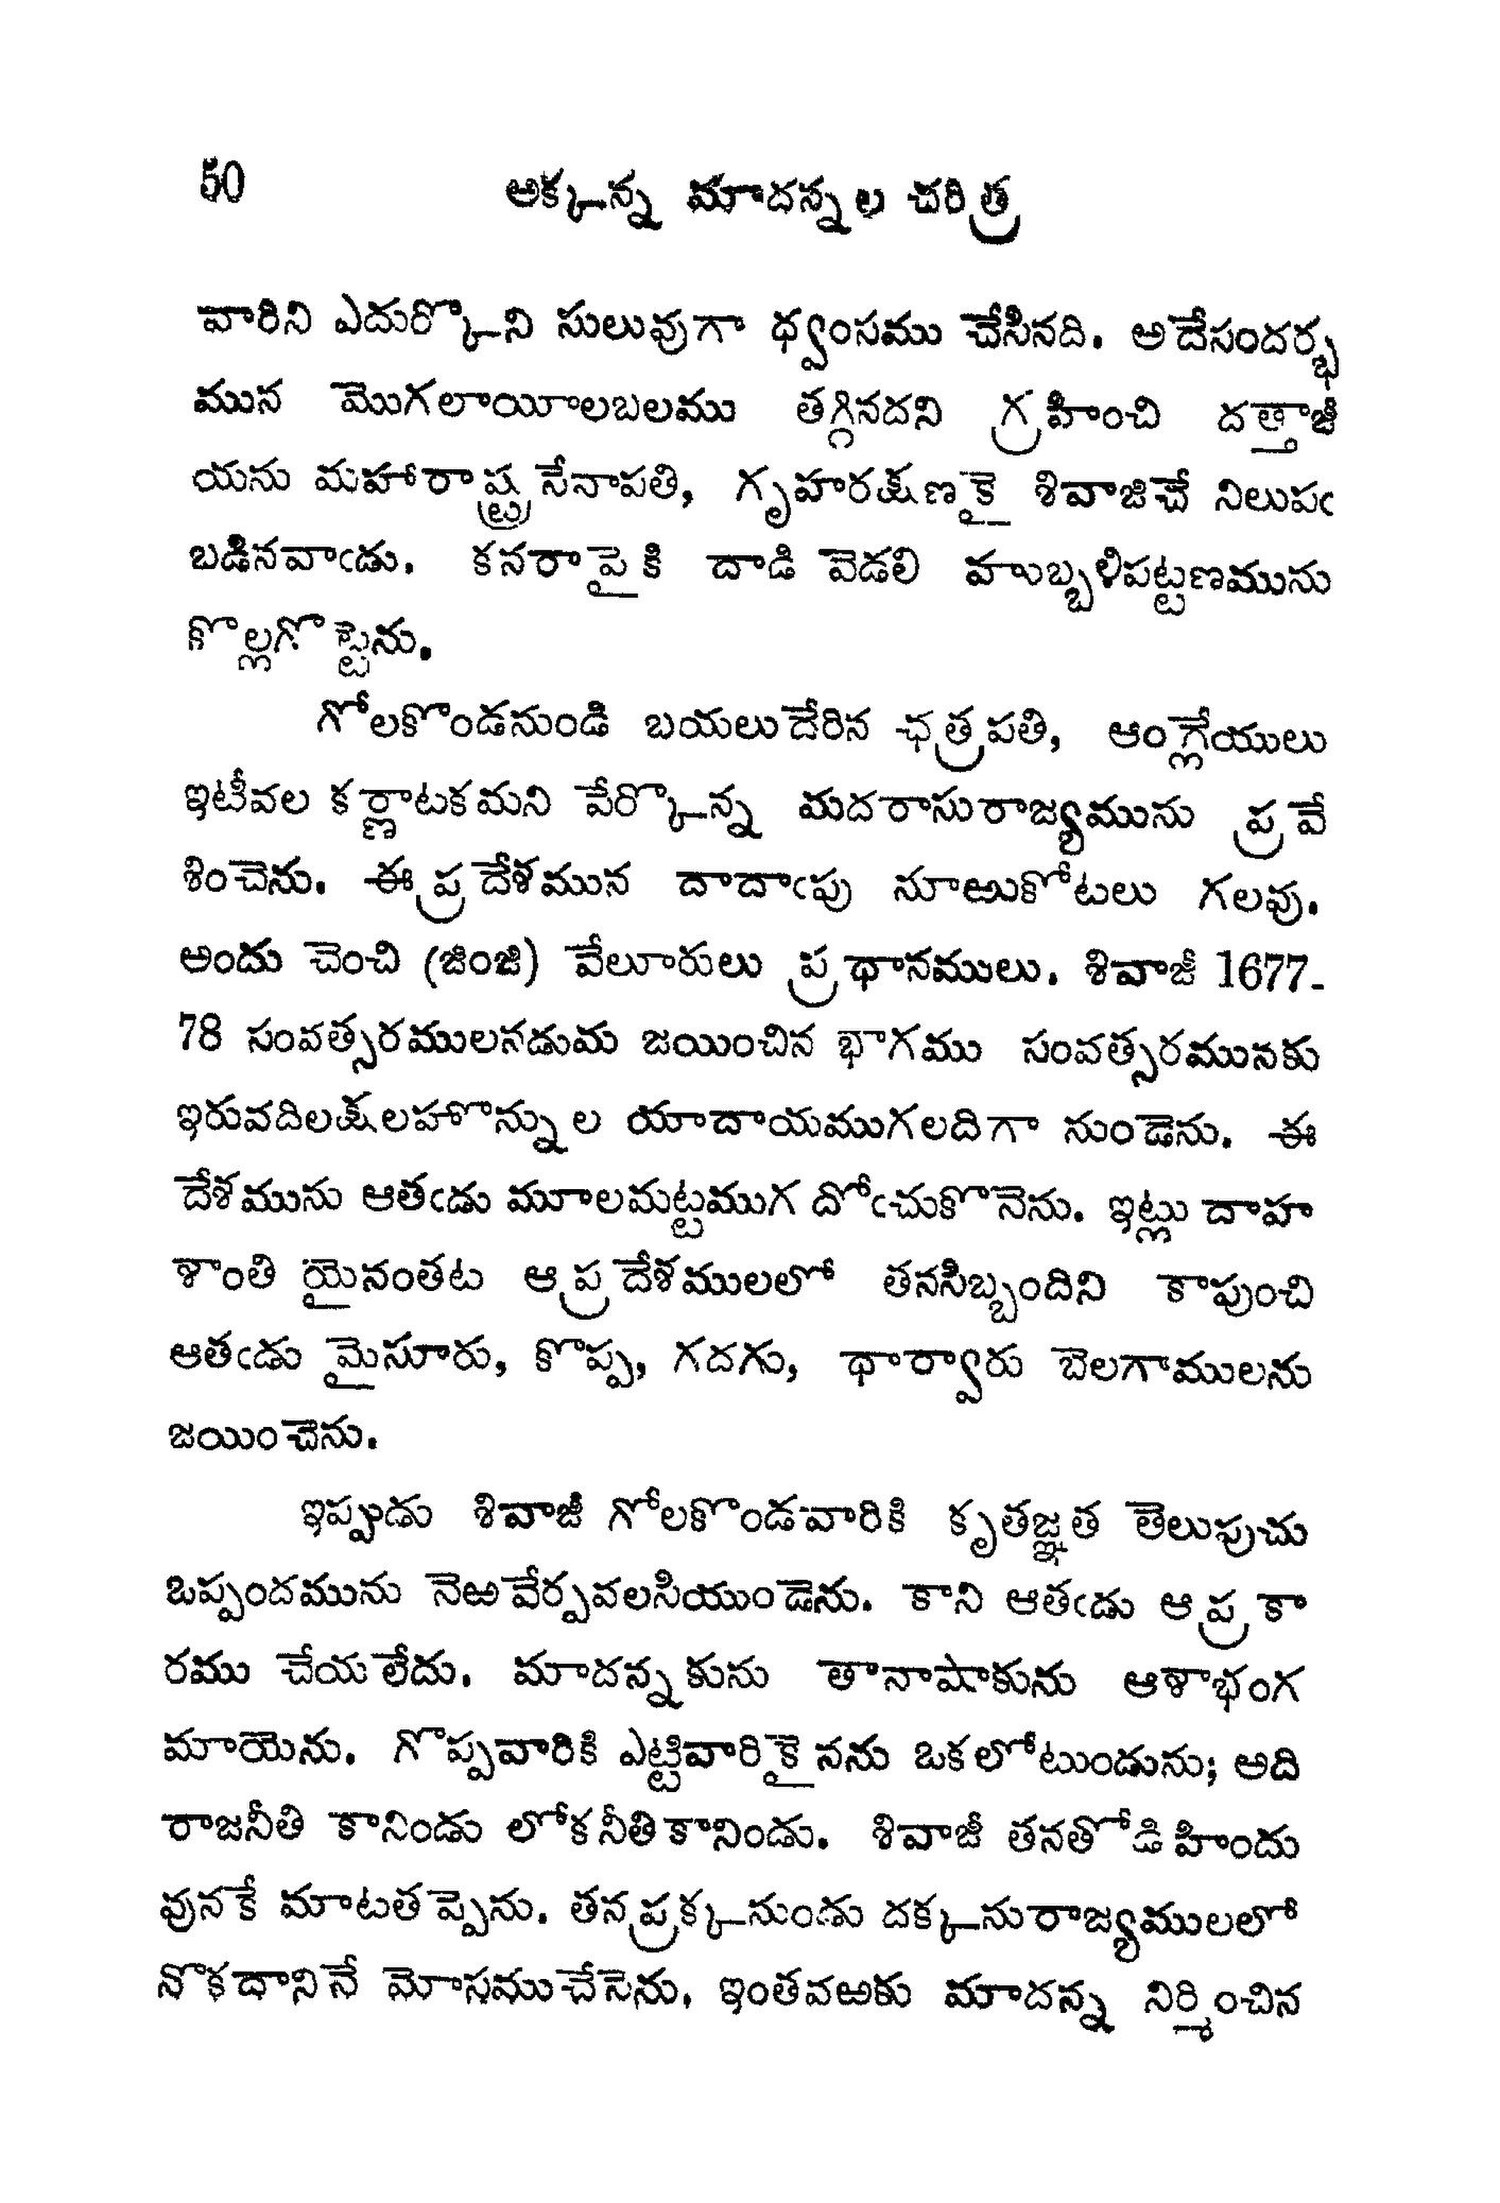వారిని ఎదుర్కొని సులువుగా ధ్వంసము చేసినది. అదేసందర్భమున మొగలాయీలబలము తగ్గినదని గ్రహించి దత్తాజీ యను మహారాష్ట్రసేనాపతి, గృహరక్షణకై శివాజిచే నిలుపఁబడినవాఁడు, కనరాపైకి దాడి వెడలి హుబ్బళిపట్టణమును కొల్లగొట్టెను.

గోలకొండనుండి బయలుదేరిన ఛత్రపతి, ఆంగ్లేయులు ఇటీవల కర్ణాటకమని పేర్కొన్న మదరాసురాజ్యమును ప్రవేశించెను. ఈప్రదేశమున దాదాఁపు నూఱుకోటలు గలవు. అందు చెంచి (జింజి) వేలూరులు ప్రధానములు. శివాజీ 1677–78 సంవత్సరములనడుము జయించిన భాగము సంవత్సరమునకు ఇరువదిలక్షలహొన్నుల యాదాయముగలదిగా నుండెను. ఈ దేశమును ఆతఁడు మూలమట్టముగ దోఁచుకొనెను. ఇట్లు దాహశాంతి యైనంతట ఆప్రదేశములలో తనసిబ్బందిని కాపుంచి ఆతఁడు మైసూరు, కొప్ప, గదగు, ధార్వారు బెలగాములను జయించెను.

ఇప్పుడు శివాజీ గోలకొండవారికి కృతజ్ఞత తెలుపుచు ఒప్పందమును నెఱవేర్పవలసియుండెను. కాని ఆతఁడు ఆప్రకారము చేయలేదు. మాదన్నకును తానాషాకును ఆశాభంగ మాయెను. గొప్పవారికి ఎట్టివారికైనను ఒకలోటుండును; అది రాజనీతి కానిండు లోకనీతికానిండు. శివాజీ తనతోడిహిందువునకే మాటతప్పెను. తనప్రక్కనుండు దక్కనురాజ్యములలో నొకదానినే మోసముచేసెను. ఇంతవఱకు మాదన్న నిర్మించిన